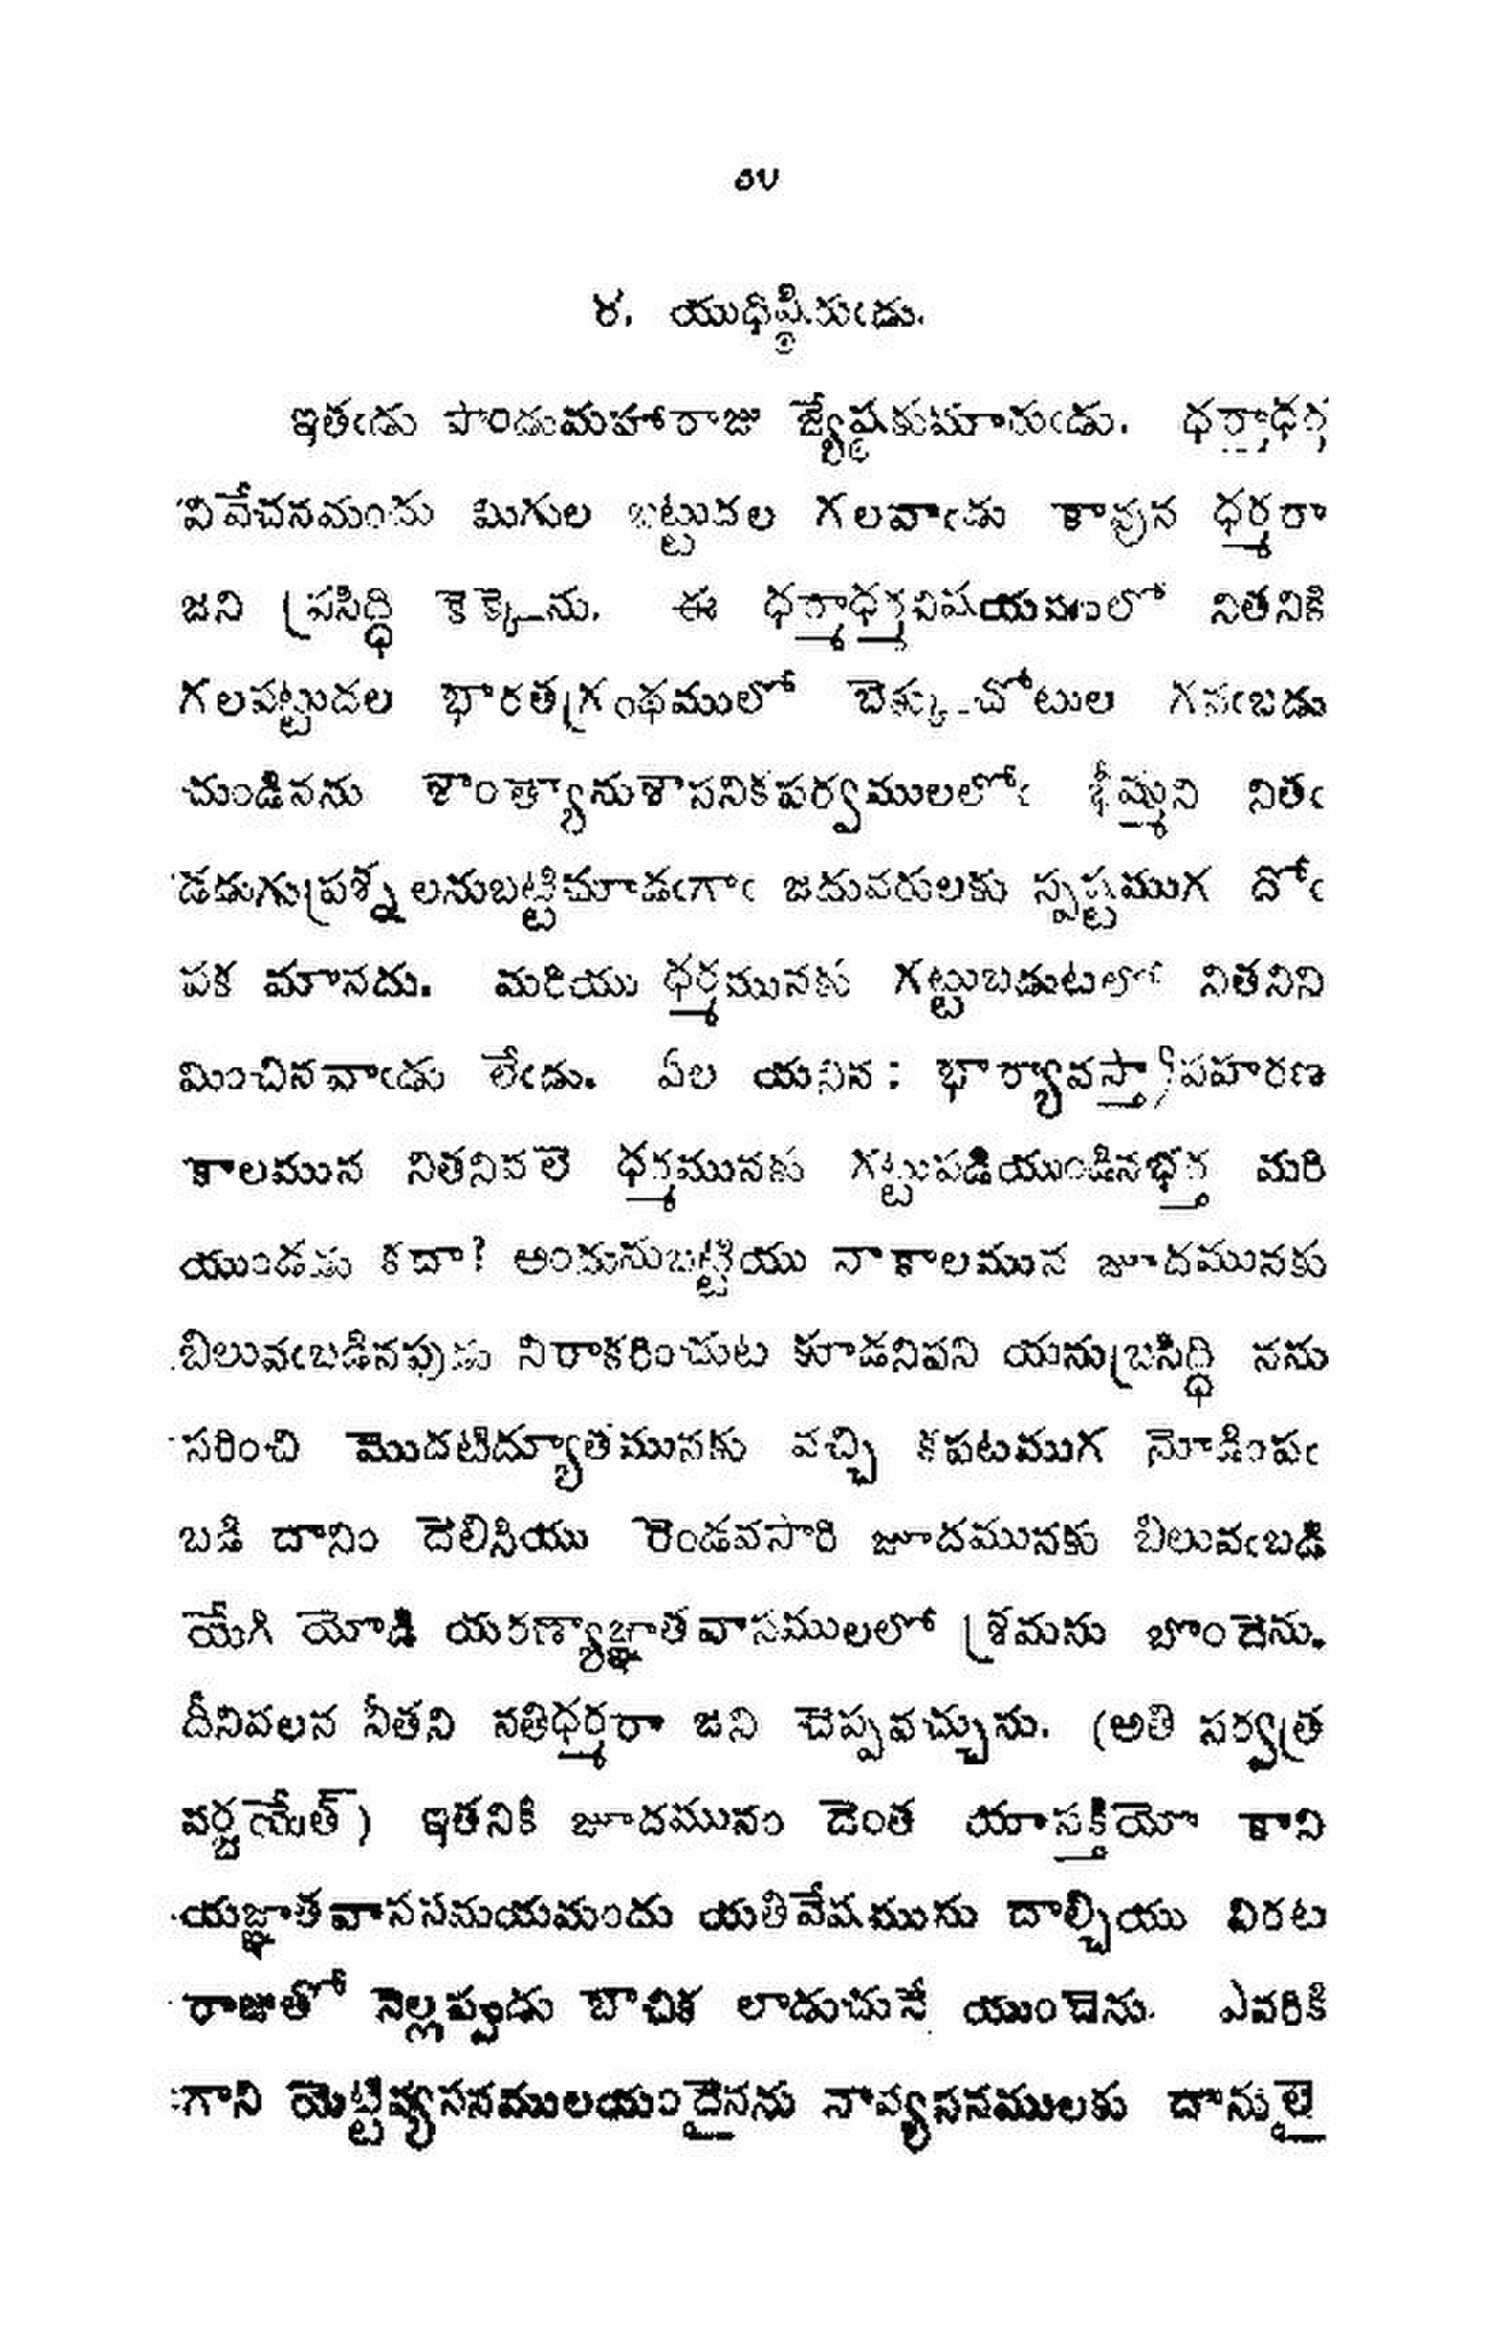ఇతఁడు పాండుమహారాజు జ్యేష్ఠకుమారుఁడు. ధర్మాధర్మ వివేచనమందు మిగుల బట్టుదల గలవాఁడు కావున ధర్మరాజని ప్రసిద్ధి కెక్కెను. ఈ ధర్మాధర్మవిషయములో నితనికి గలపట్టుదల భారతగ్రంథములో బెక్కుచోటుల గనఁబడుచుండినను శాంత్యానుశాసనికపర్వములలో భీష్ముని నితఁ
డడుగుప్రశ్నలనుబట్టిచూడఁగాఁ జదువరులకు స్పష్టముగ దోఁపక మానదు. మరియు ధర్మమునకు గట్టుబడుటలో నితనిని మించినవాఁడు లేఁడు. ఏల యనిన : భార్యావస్త్రాపహరణ కాలమున నితనివలె ధర్మమునకు గట్టుపడియుండినభర్త మరి యుండడు కదా? అందునుబట్టియు నాకాలమున జూదమునకు బిలువఁబడినపుడు నిరాకరించుట కూడనిపని యనుబ్రసిద్ధి ననుసరించి మొదటిద్యూతమునకు వచ్చి కపటముగ నోడింపఁబడి దానిం దెలిసియు రెండవసారి జూదమునకు బిలువఁబడి యేగి యోడి యరణ్యాజ్ఞాతవాసములలో శ్రమను బొందెను. దీనివలన నీతని నతిధర్మరా జని చెప్పవచ్చును. (అతి సర్వత్ర వర్జయేత్) ఇతనికి జూదమునం దెంత యాసక్తియో కాని
యజ్ఞాతవాససమయమందు యతివేషమును దాల్చియు విరట రాజుతో నెల్లప్పుడు బాచిక లాడుచునే యుండెను. ఎవరికి గాని యెట్టివ్యసనములయందైనను నావ్యసనములకు దానులై